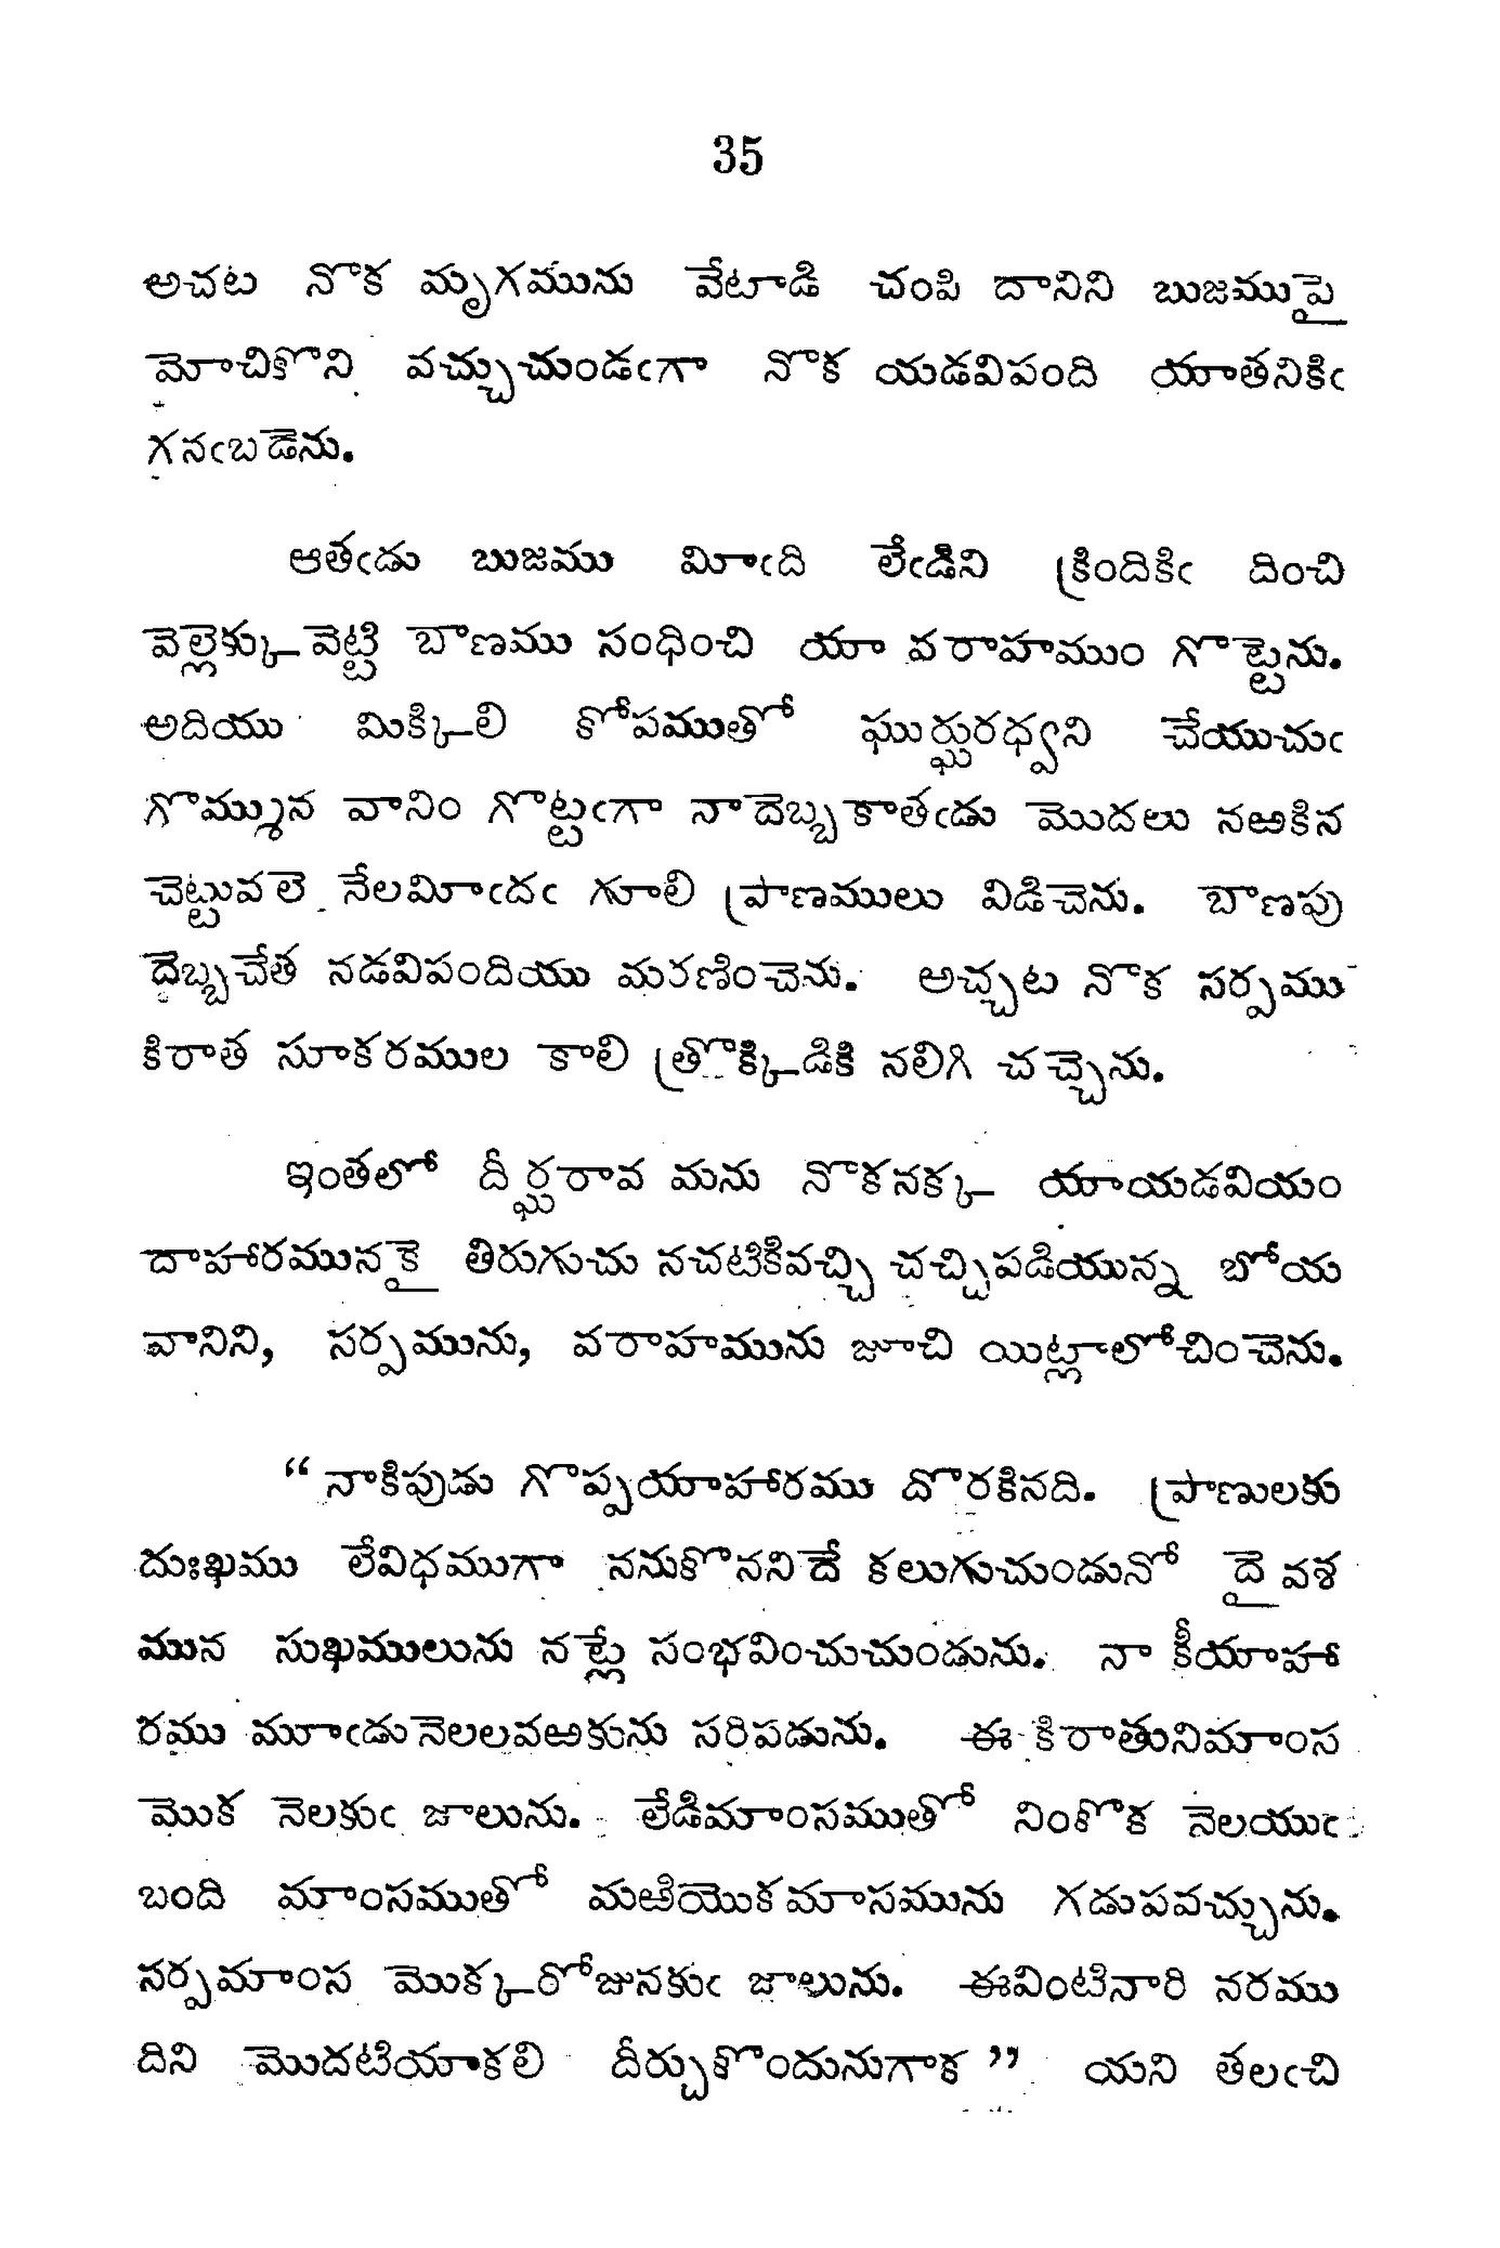అచట నొక మృగమును వేటాడి చంపి దానిని బుజముపై మోచికొని వచ్చుచుండగా నొక యడవిపంది యాతనికి గనబడెను.

ఆతడు బుజము మీది లేడిని క్రిందికి దించి వెల్లెక్కు వెట్టి బాణము సంధించి యా వరాహముం గొట్టెను. అదియు మిక్కిలి కోపముతో ఘర్ఘురధ్వని చేయుచు గొమ్మున వానిం గొట్టగా నాదెబ్బకాతడు మొదలు నఱకిన చెట్టువలె నేలమీద గూలి ప్రాణములు విడిచెను. బాణపు దెబ్బచేత నడవిపందియు మరణించెను. అచ్చట నొక సర్పము కిరాత సూకరముల కాలి త్రొక్కిడికి నలిగి చచ్చెను.

ఇంతలో దీర్ఘరావ మను నొకనక్క యాయడవియందాహారమునకై తిరుగుచు నచటికివచ్చి చచ్చిపడియున్న బోయవానిని, సర్పమును, వరాహమును జూచి యిట్లాలోచించెను.

"నాకిపుడు గొప్పయాహారము దొరకినది. ప్రాణులకు దు:ఖము లేనివిధముగా ననుకొననిదే కలుగుచుండునో దైవశమున సుఖములును నట్లే సంభవించుచుండును. నా కీయాహారము మూడు నెలలవఱకును సరిపడును. ఈ కిరాతునిమాంస మొక నెలకు జాలును. లేడిమాంసముతో నింకొక నెలయు బంది మాంసముతో మఱియొకమాసమును గడుపవచ్చును. సర్పమాంస మొక్కరోజునకు జాలును. ఈవింటినారి నరము దిని మొదటియాకలి దీర్చుకొందునుగాక" యని తలచి